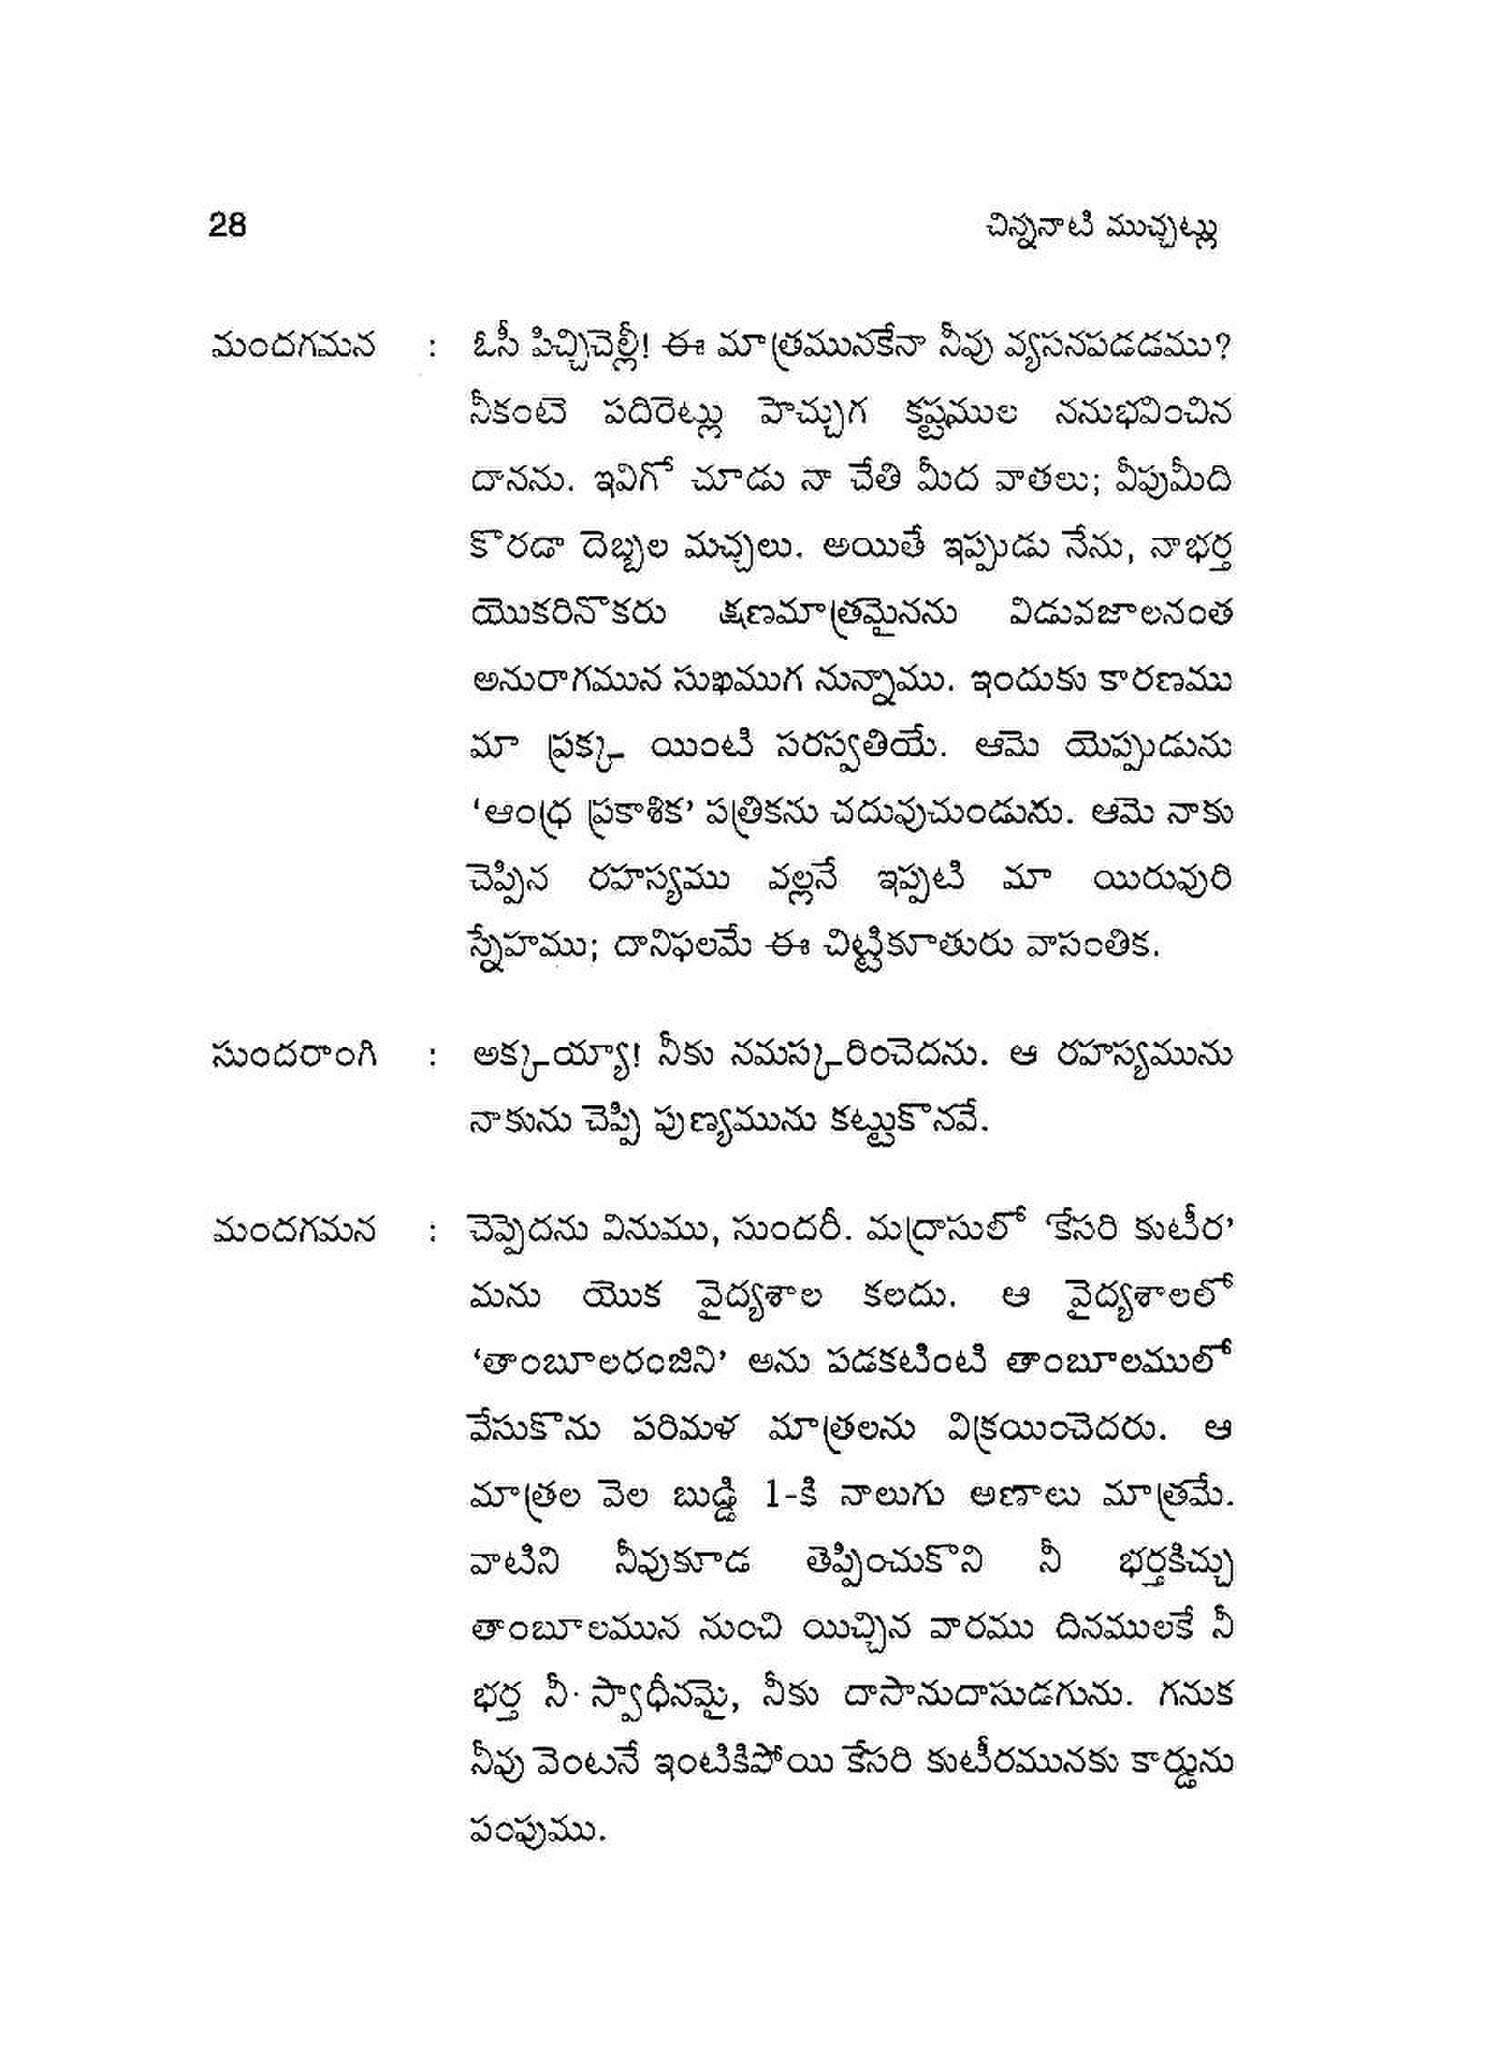మందగమన : ఓసీ పిచ్చిచెల్లీ! ఈ మాత్రమునకేనా నీవు వ్యసనపడడము? నీకంటె పదిరెట్లు హెచ్చుగ కష్టముల ననుభవించిన దానను. ఇవిగో చూడు నా చేతి మీద వాతలు; వీపుమీది కొరడా దెబ్బల మచ్చలు. అయితే ఇప్పడు నేను, నాభర్త యొకరినొకరు క్షణమాత్రమైనను విడువజాలనంత అనురాగమున సుఖముగ నున్నాము. ఇందుకు కారణము మా ప్రక్క యింటి సరస్వతియే. ఆమె యెప్పుడును 'ఆంధ్ర ప్రకాశిక' పత్రికను చదువుచుండును. ఆమె నాకు చెప్పిన రహస్యము వల్లనే ఇప్పటి మా యిరువురి స్నేహము; దానిఫలమే ఈ చిట్టికూతురు వాసంతిక.

సుందరాంగి : అక్కయ్యా! నీకు నమస్కరించెదను. ఆ రహస్యమును నాకును చెప్పి పుణ్యమును కట్టుకొనవే.

మందగమన : చెప్పెదను వినుము, సుందరీ. మద్రాసులో ′కేసరి కుటీర′ మను యొక వైద్యశాల కలదు. ఆ వైద్యశాలలో 'తాంబూలరంజిని' అను పడకటింటి తాంబూలములో వేసుకొను పరిమళ మాత్రలను విక్రయించెదరు. ఆ మాత్రల వెల బుడ్డి 1-కి నాలుగు అణాలు మాత్రమే. వాటిని నీవు కూడ తెప్పించుకొని నీ భర్తకిచ్చు తాంబూలమున నుంచి యిచ్చిన వారము దినములకే నీ భర్త నీ స్వాధీనమై, నీకు దాసానుదాసుడగును. గనుక నీవు వెంటనే ఇంటికిపోయి కేసరి కుటీరమునకు కార్డును పంపుము.